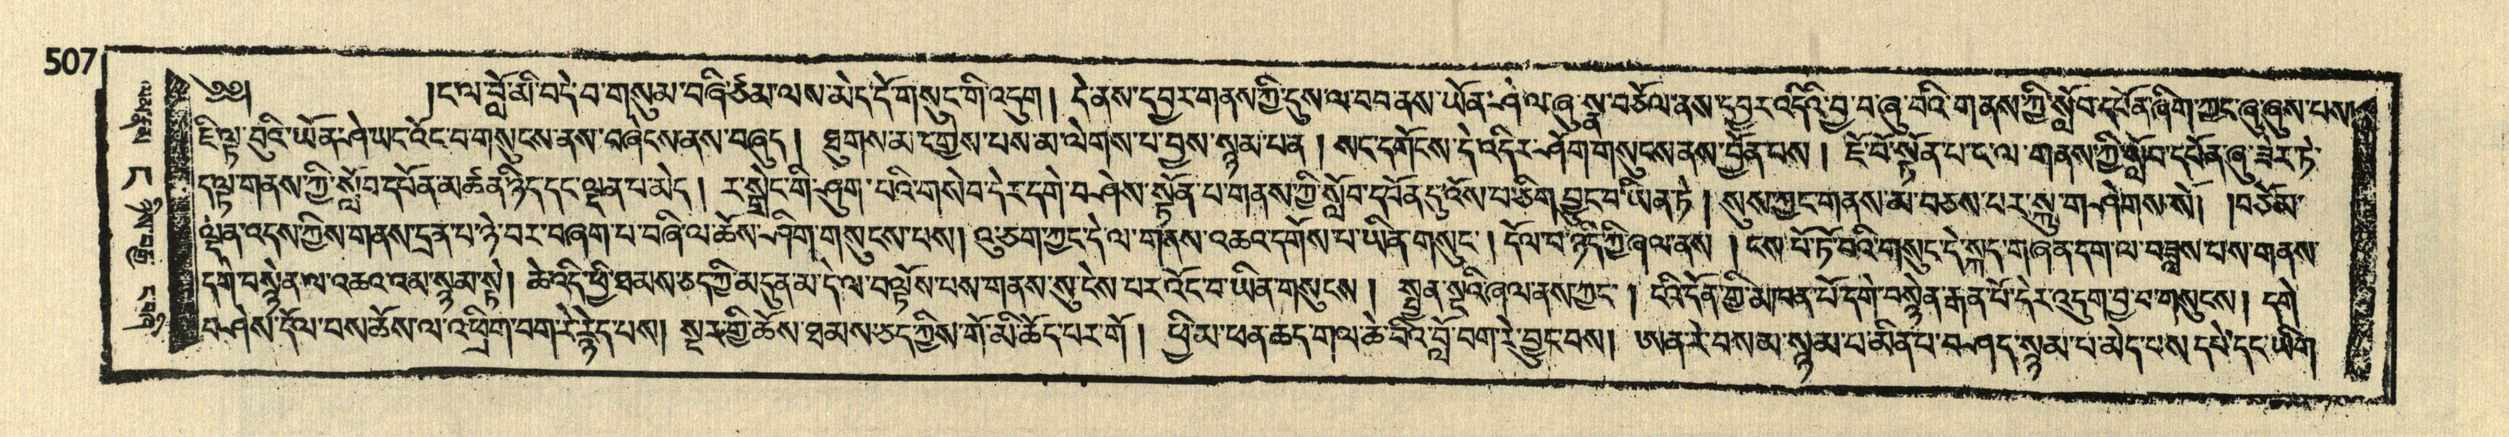༄༅། །ང་ལ་བློ་མི་བདེ་བ་གསུམ་བཞི་ཙམ་ལས་མེད་དོ་གསུང་གི་འདུག། དེ་ནས་དབྱར་གནས་ཀྱི་དུས་ལ་བབ་ནས་ཡོན་ཤེལ་ཞུ་སྣ་བཅོལ་ནས་དབྱར་འདིའི་བྱ་བ་ཞུ་བའི་གནས་ཀྱི་སློབ་དཔོན་ཞིག་ཀྱང་ཞུ་ཞུས་པས་
ཇི་ལྟ་བུའི་ཡོན་ཤེ་ཡང་འོང་བ་གསུངས་ནས་བཞེངས་ནས་བཞུད། ཐུགས་མ་དགྱེས་པས་མ་ལེགས་པ་བྱས་སྙམ་པ་ན། སང་དགོངས་དེ་འདིར་ཤོག་གསུངས་ནས་བྱོན་པས། ཇོ་བོ་སྟོན་པ་ང་ལ་གནས་ཀྱི་སློབ་དཔོན་ཞུ་ཟེར་ཏེ་
ད་ལྟ་གནས་ཀྱི་སློབ་དཔོན་མཚན་ཉིད་དང་ལྡན་པ་མེད། ར་སྒྲེང་གི་ཤུག་པའི་གསེབ་དེར་དགེ་བཤེས་སྟོན་པ་གནས་ཀྱི་སློབ་དཔོན་དུ་འོས་པ་ཅིག་བྱུང་བ་ཡིན་ཏེ། སུས་ཀྱང་གནས་མ་བཅས་པར་སྐུ་གཤེགས་སོ། །བཅོམ་
ལྡན་འདས་ཀྱིས་གནས་དྲན་པ་ཉེ་བར་བཞག་པ་བཞི་ལ་ཆོས་ཤིག་གསུངས་པས། འུ་ཅག་ཀྱང་དེ་ལ་གནས་འཆའ་དགོས་པ་ཡིན་གསུང་། དོལ་བ་ཉིད་ཀྱི་ཞལ་ནས། ངས་པོ་ཏོ་བའི་གསུང་དེ་སྐད་གཞན་དག་ལ་བཟླས་པས་གནས་
དགེ་བསྙེན་ལ་འཆའ་འམ་སྙམ་སྟེ། ཆེ་འདི་ཕྱི་ཐམས་ཅད་ཀྱི་མདུན་མ་དེ་ལ་བལྟོས་པས་གནས་སུ་ངེས་པར་འོང་བ་ཡིན་གསུངས། སྤྱན་སྔའི་ཞལ་ནས་ཀྱང་། ངའི་དོན་གྱི་མཁན་པོ་དགེ་བསྙེན་རྒན་པོ་དེར་འདུག་བྱ་བ་གསུངས། དགེ་
བཤེས་དོལ་བས་ཆོས་ལ་འཕྲིག་བག་རེ་རྙེད་པས། སྔར་གྱི་ཆོས་ཐམས་ཅད་ཀྱིས་གོ་མི་ཆོད་པར་གྲོ། ཕྱི་མ་ཕན་ཆད་གལ་ཆེ་བའི་བློ་བག་རེ་བྱུང་བས། ཨན་རེ་བསམ་སྙམ་པ་མིན་པ་བཤད་སྙམ་པ་མེད་པས་དཔེ་དང་ཡིག་